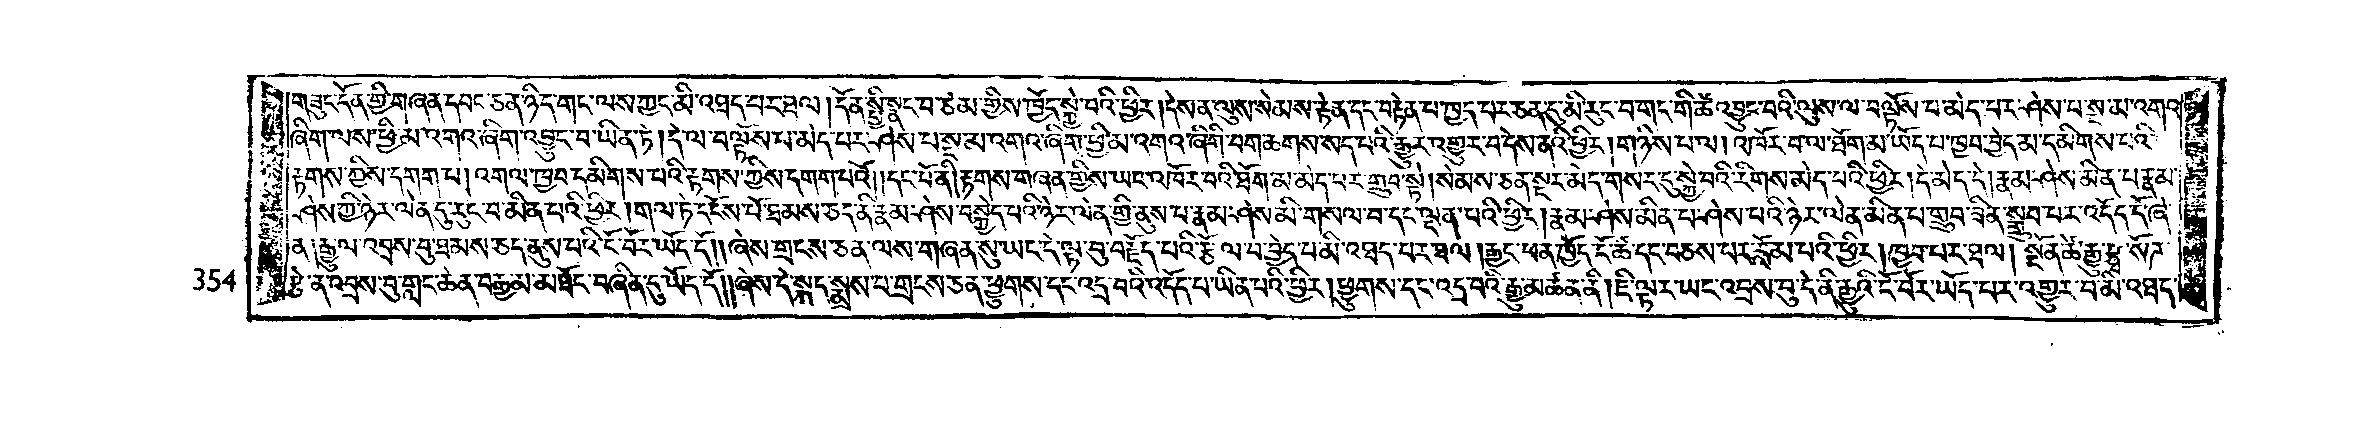གཟུང་དོན་གྱི་གཞན་དབང་ཅན་ཉིད་གང་ལས་ཀྱང་མི་འཐད་པར་ཐལ། དོན་སྤྱི་སྣང་བ་ཙམ་གྱིས་ཁྱོད་སྐྱེ་བའི་ཕྱིར། དེས་ན་ལུས་སེམས་རྟེན་དང་བརྟེན་པ་ཁྱད་པར་ཅན་དུ་མི་རུང་བ་གང་གི་ཚེ་འབྱུང་བའི་ལུས་ལ་བལྟོས་པ་མེད་པར་ཤེས་པ་སྔ་མ་འགའ་
ཞིག་ལས་ཕྱི་མ་འགའ་ཞིག་འབྱུང་བ་ཡིན་ཏེ། དེ་ལ་བལྟོས་པ་མེད་པར་ཤེས་པ་སྔ་མ་འགའ་ཞིག་ཕྱི་མ་འགའ་ཞིག་གི་བག་ཆགས་སད་པའི་རྒྱུར་འགྱུར་བ་དེས་ནའི་ཕྱིར། གཉིས་པ་ལ། འཁོར་བ་ལ་ཐོག་མ་ཡོད་པ་ཁྱབ་བྱེད་མ་དམིགས་པའི་
རྟགས་ཀྱིས་དགག་པ། འགལ་ཁྱབ་དམིགས་པའི་རྟགས་ཀྱིས་དགག་པའོ། །དང་པོ་ནི། རྟགས་གཞན་གྱིས་ཡང་འཁོར་བའི་ཐོག་མ་མེད་པར་གྲུབ་སྟེ། སེམས་ཅན་སྔར་མེད་གསར་དུ་སྐྱེ་བའི་རིགས་མེད་པའི་ཕྱིར། དེ་མེད་དེ། རྣམ་ཤེས་མིན་པ་རྣམ་
ཤེས་ཀྱི་ཉེར་ལེན་དུ་རུང་བ་མིན་པའི་ཕྱིར། གལ་ཏེ་དངོས་པོ་ཐམས་ཅད་ནི་རྣམ་ཤེས་བསྐྱེད་པའི་ཉེར་ལེན་གྱི་ནུས་པ་རྣམ་ཤེས་མི་གསལ་བ་དང་ལྡན་པའི་ཕྱིར། རྣམ་ཤེས་མིན་པ་ཤེས་པའི་ཉེར་ལེན་མིན་པ་གྲུབ་ཟིན་སྒྲུབ་པར་འདོད་དོ་ཞེ་
ན། རྒྱུ་ལ་འབྲས་བུ་ཐམས་ཅད་ནུས་པའི་ངོ་བོར་ཡོད་དོ། །ཞེས་གྲངས་ཅན་ལས་གཞན་སུ་ཡང་དེ་ལྟ་བུ་བརྗོད་པའི་རྩོལ་བ་བྱེད་པ་མི་འཐད་པར་ཐལ། རྒྱང་ཕན་ཁྱོད་ངོ་ཚ་དང་བཅས་པར་རློམ་པའི་ཕྱིར། ཁྱབ་པར་ཐལ། སྔོན་ཚེ་རྒྱུ་རྩྭ་སོཌ་
རྩེ་ན་འབྲས་བུ་གླང་ཆེན་བརྒྱ་མ་མཐོང་བཞིན་དུ་ཡོད་དོ། །ཞེས་དེ་སྐད་སྨྲས་པ་གྲངས་ཅན་ཕྱུགས་དང་འདྲ་བའི་འདོད་པ་ཡིན་པའི་ཕྱིར། ཕྱུགས་དང་འདྲ་བའི་རྒྱུ་མཚན་ནི། ཇི་ལྟར་ཡང་འབྲས་བུ་དེ་ནི་རྒྱུའི་ངོ་བོར་ཡོད་པར་འགྱུར་བ་མི་འཐད་